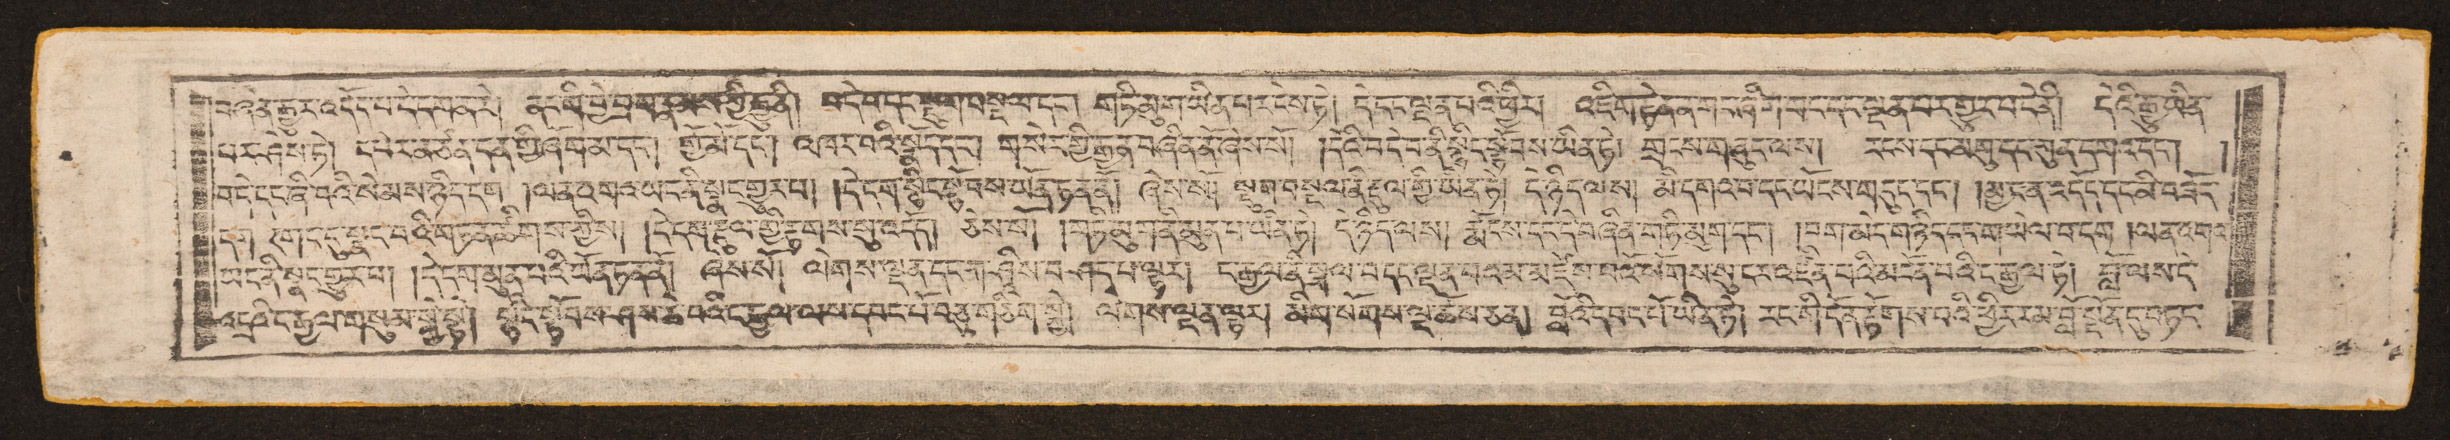བཞིན་རྒྱུར་འདོད་པ་དེ་དག་ན་རེ། ནང་གི་བྱེ་བྲག་རྣམས་ཀྱི་རྒྱུ་ནི། བདེ་བ་དང་སྡུག་བསྔལ་དང་། གཏི་མུག་ཡིན་པར་ངེས་ཏེ། དེ་དང་ལྡན་པའི་ཕྱིར། འཇིག་རྟེན་ན་གང་ཞིག་གང་དང་ལྡན་པར་གྱུར་བ་དེ་ནི། དེའི་རྒྱུ་ཡིན་
པར་ཤེས་ཏེ། དཔེར་ན་ཙན་དན་གྱི་ཞོག་མ་དང་། གྱོ་མོ་དང་། འཁར་བའི་སྣོད་དང་། གསེར་གྱི་རྒྱན་བཞིན་ནོ་ཞེས་སོ། །དེའི་བདེ་བ་ནི་སྙིང་སྟོབས་ཡིན་ཏེ། གྲངས་གཞུང་ལས། རངས་དང་མགུ་དང་ཀུན་དགའ་དང་། །
བདེ་དང་ཞི་བའི་སེམས་ཉིད་དག །ལན་འགའ་ཡང་ནི་སྣང་གྱུར་པ། །དེ་དག་སྙིང་སྟོབས་ཡོན་ཏན་ནོ། ཞེས་སོ། སྡུག་བསྔལ་ནི་རྡུལ་གྱི་ཡིན་ཏེ། དེ་ཉིད་ལས། མི་དགའ་བ་དང་ཡོངས་གདུང་དང་། །མྱ་ངན་འདོད་དང་མི་བཟོད་
དག ༑གང་དུ་སྣང་བའི་གཏན་ཚིགས་ཀྱིས། །དེ་དག་རྡུལ་གྱི་རྟགས་སུ་འདོད། ཅེས་སོ། །གཏི་མུག་ནི་མུན་པ་ཡིན་ཏེ། དེ་ཉིད་ལས། རྨོངས་དང་དེ་བཞིན་གཏི་མུག་དང་། །བག་མེད་གཉིད་དང་གཡེལ་བ་དག །ལན་འགའ་
ཡང་ནི་སྣང་གྱུར་བ། །དེ་དག་མུན་པའི་ཡོན་ཏན་ནོ། ཞེས་སོ། ལེགས་ལྡན་དང་ཀ་ཤཱིས་བཤད་པ་ལྟར། ང་རྒྱལ་ནི་སྐལ་བ་དང་ལྡན་པའམ་མཛེས་པའོ་སོགས་སུ་དར་འཛིན་པའི་མངོན་པའི་ང་རྒྱལ་ཏེ། བློ་ལས་དེ་
འདྲའི་ང་རྒྱལ་གསུམ་སྐྱེ་སྟེ། སྙིང་སྟོབས་ཤས་ཆེ་པའི་ང་རྒྱལ་ལས་དབང་པོ་བཅུ་གཅིག་སྐྱེ། ལེགས་ལྡན་ལྟར། མིག་སོགས་ལྔ་ཆོས་ཅན། བློའི་དབང་པོ་ཡིན་ཏེ། རང་གི་དོན་རྟོགས་པའི་ཕྱིར་རམ་བློ་སྔོན་དུ་བཏང་